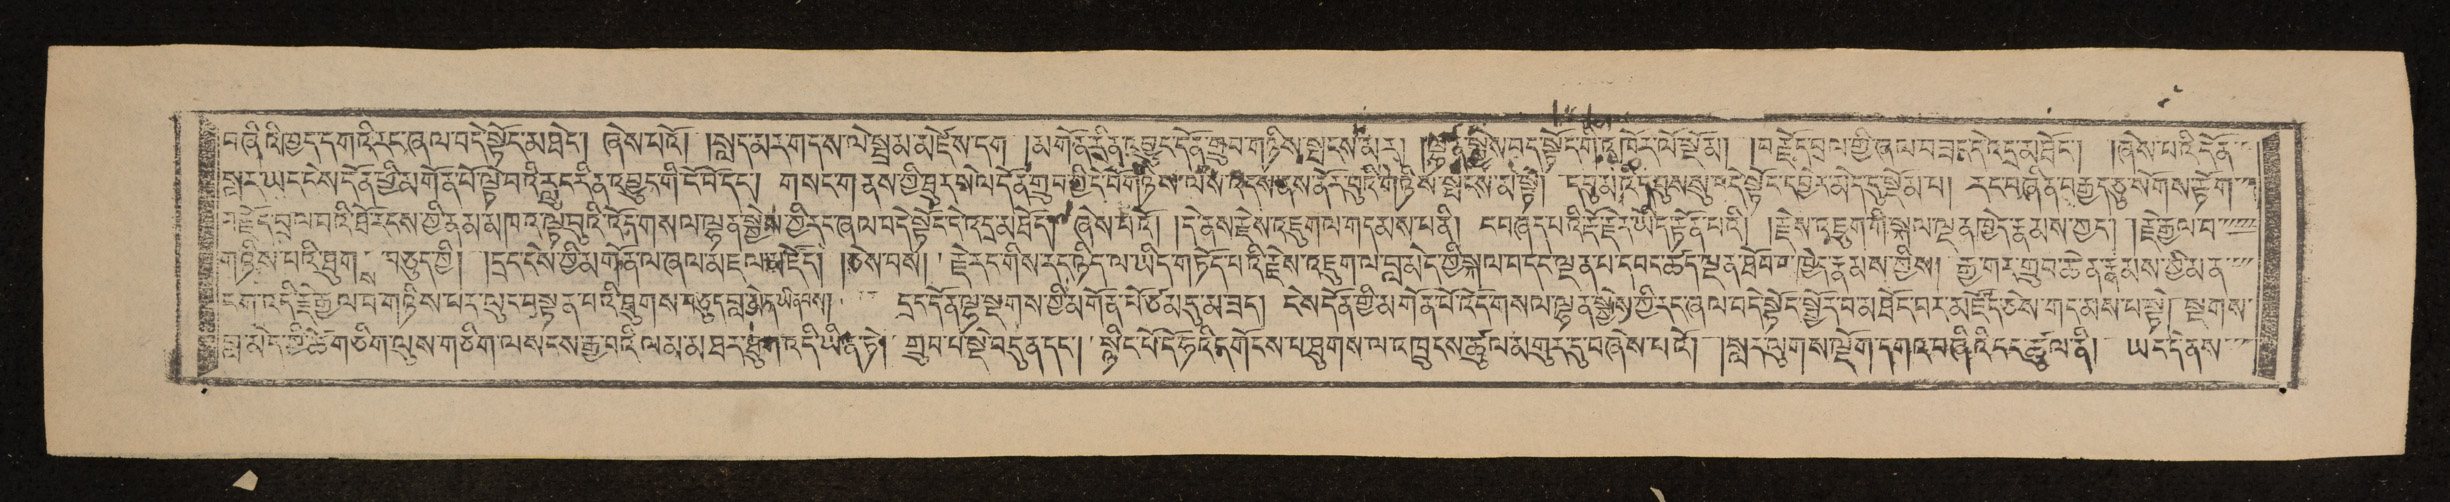བཞིའི་ཁྱད་དགའི་རང་ཞལ་བདེ་སྟོང་མཐོང་། ཞེས་པའོ། །སླར་མར་གད་ས་ལེ་སྦྲམ་མཛེས་དག །མགོན་རིན་འབྱུང་དོན་གྲུབ་གཉིས་སྤངས་མར། །ལྷན་སྐྱེས་བདེ་སྟོང་གི་འཁོར་ལོ་སྡོམ། །བརྗོད་བྲལ་གྱི་ཞལ་བཟང་དེ་འདྲ་མཐོང་། །ཞེས་པའི་དོན་
སླར་ཡང་ངེས་དོན་གྱི་མགོན་པོ་ལྟེ་བའི་རླུང་རིན་འབྱུང་གི་ངོ་བོ་དང་། གསང་གནས་ཀྱི་ཐུར་སེལ་དོན་གྲུབ་ཀྱི་ངོ་བོ་གཉིས་ལས་འདས་ནས་ནོར་བུའི་གཉིས་སྤངས་མ་སྟེ། དབུ་མའི་དབུས་སུ་བདེ་སྟོང་དབྱེར་མེད་དུ་སྡོམ་པ། རང་བཞིན་བརྒྱད་ཅུ་སོགས་རྟོག་
བརྗོད་བྲལ་བའི་ཐོ་རངས་ཀྱི་ནམ་མཁའ་ལྟ་བུའི་འོད་གསལ་ལྷན་སྐྱེས་ཀྱི་རང་ཞལ་བདེ་སྟོང་དེ་འདྲ་མཐོང་། ཞེས་པའོ། །དེ་ནས་རྗེས་འཇུག་ལ་གདམས་པ་ནི། ང་བཞད་པའི་རྡོ་རྗེར་ཡིད་རྟོན་པའི། །རྗེས་འཇུག་གི་སྐལ་ལྡན་ཁྱེད་རྣམས་ཀྱང་། །རྗེ་རྒྱལ་བ་
གཉིས་པའི་ཐུགས་བཅུད་ཀྱི། །དྲང་ངེས་ཀྱི་མགོན་ལ་ཞལ་མཇལ་མཛོད། །ཅེས་པས། རྗེ་རང་གིས་རང་ཉིད་ལ་ཡིད་གཏོད་པའི་རྗེས་འཇུག་ལ་བླ་མེད་ཀྱི་སྐལ་བ་དང་ལྡན་པ་དབང་ཚད་ལྡན་ཐོབ་པ་ཁྱེད་རྣམས་ཀྱིས། རྒྱ་གར་གྲུབ་ཆེན་རྣམས་ཀྱི་མན་
ངག་འདི་རྗེ་རྒྱལ་བ་གཉིས་པར་ལུང་བསྟན་པའི་ཐུགས་བཅུད་བླ་མེད་ཡིན་པས། དྲང་དོན་ལྟ་སྔགས་ཀྱི་མགོན་པོ་ཙམ་དུ་མ་ཟད། ངེས་དོན་གྱི་མགོན་པོ་འོད་གསལ་ལྷན་སྐྱེས་ཀྱི་རང་ཞལ་བདེ་སྟོང་སྦྱོར་བ་མཐོང་བར་མཛོད་ཅེས་གདམས་པ་སྟེ། སྔགས་
བླ་མེད་ཀྱི་ཚེ་གཅིག་ལུས་གཅིག་ལ་སངས་རྒྱ་བའི་ལམ་མཐར་ཐུག་འདི་ཡིན་ཏེ། གྲུབ་པ་སྡེ་བདུན་དང་། སྙིང་པོ་དོ་ཧའི་དགོངས་པ་ཐུགས་ལ་འཁྲུངས་ཚུལ་མགུར་དུ་བཞེས་པའོ། །སླར་ལུགས་ལྡོག་དགའ་བཞིའི་ངང་ཚུལ་ནི། ཡང་དེ་ནས་